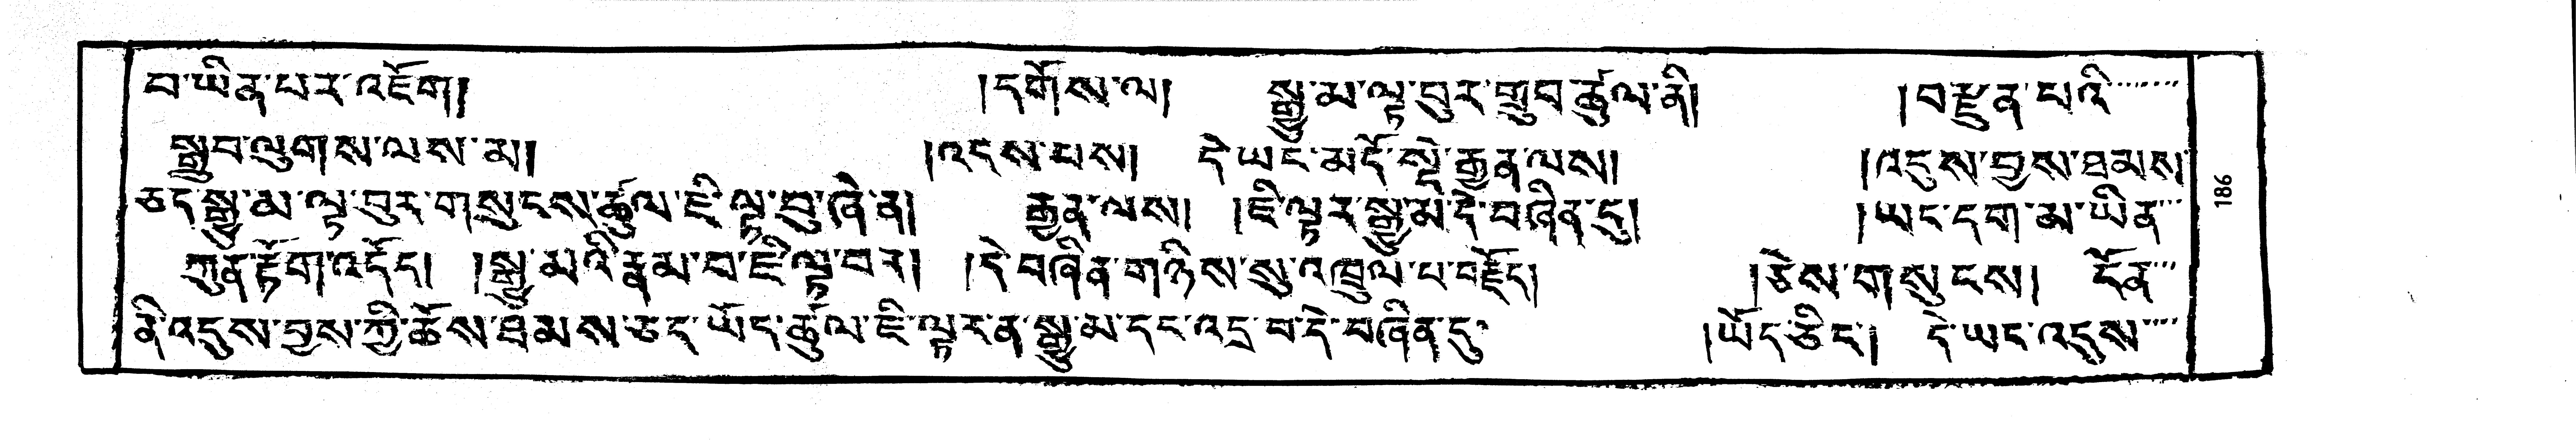་བ་ཡིན་པར་འཇོག། །དགོས་ལ། སྒྱུ་མ་ལྟ་བུར་གྲུབ་ཚུལ་ནི། །བརྫུན་པའི་
སྒྲུབ་ལུགས་ལས་མ། །འདས་པས། དེ་ཡང་མདོ་སྡེ་རྒྱན་ལས། །འདུས་བྱས་ཐམས་
ཅད་སྒྱུ་མ་ལྟ་བུར་གསུངས་ཚུལ་ཇི་ལྟ་བུ་ཞེ་ན། རྒྱན་ལས། །ཇི་ལྟར་སྒྱུ་མ་དེ་བཞིན་དུ། །ཡང་དག་མ་ཡིན་
ཀུན་རྟོག་འདོད། །སྒྱུ་མའི་རྣམ་པ་ཇི་ལྟ་བར། །དེ་བཞིན་གཉིས་སུ་འཁྲུལ་པ་བརྗོད། །ཅེས་གསུངས། དོན་
ནི་འདུས་བྱས་ཀྱི་ཆོས་ཐམས་ཅད་ཡོད་ཚུལ་ཇི་ལྟར་ན་སྒྱུ་མ་དང་འདྲ་བ་དེ་བཞིན་དུ། ཡོད་ཅིང་། དེ་ཡང་འདུས་